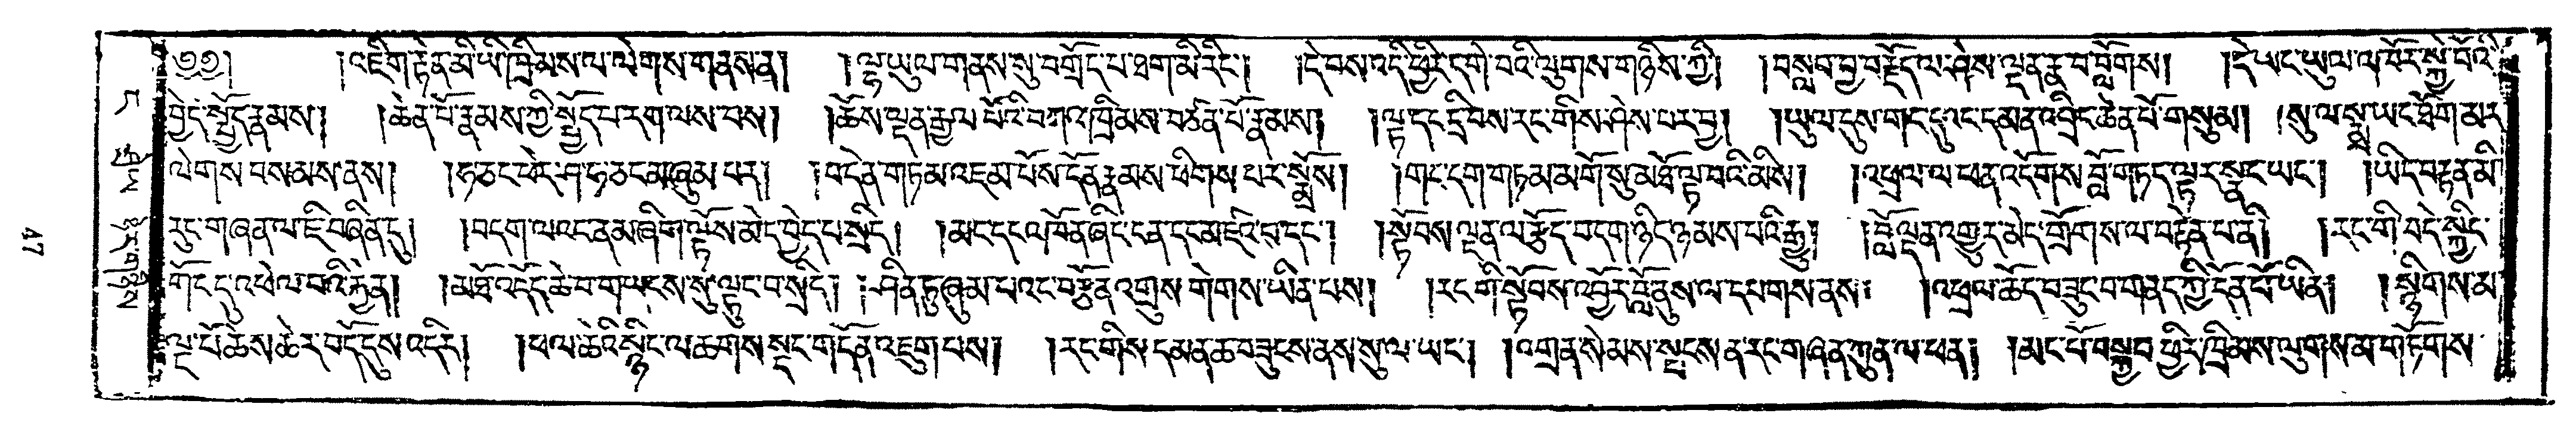༄༅། །འཇིག་རྟེན་མི་ཡི་ཁྲིམས་ལ་ལེགས་གནས་ན། །ལྷ་ཡུལ་གནས་སུ་བགྲོད་པ་ཐག་མི་རིང་། །དེ་བས་འདི་ཕྱིར་དགེ་བའི་ལུགས་གཉིས་ཀྱི། །བསླབ་བྱ་བརྗོད་ལ་ཤེས་ལྡན་རྣ་བ་བློགས། །དེ་ཡང་ཡུལ་འཁོར་སྐྱེ་བོའི་
བྱེད་སྤྱོད་རྣམས། །ཆེན་པོ་རྣམས་ཀྱི་སྤྱོད་པ་རག་ལས་བས། །ཆོས་ལྡན་རྒྱལ་པོའི་བཀའ་ཁྲིམས་བཙན་པོ་རྣམས། །ལྟ་དང་དྲི་བས་རང་གིས་ཤེས་པར་བྱ། །ཡུལ་དུས་གང་དུའང་དམན་འབྲིང་ཆེན་པོ་གསུམ། །སུ་ལ་སྨྲ་ཡང་ཐོག་མར་
ལེགས་བསམས་ནས། །ཧ་ཅང་ཕེར་ཤ་ཧ་ཅང་མ་ཞུམ་པར། །བདེན་གཏམ་འཇམ་པོས་དོན་རྣམས་ཕིགས་པར་སྨྲོས། །གང་དག་གཏམ་མགོ་སུ་མཐོ་ལྟ་བའི་མིས། །འཕྲལ་ལ་ཕན་འདོགས་བློ་གཏད་ལྟར་སྣང་ཡང་། །ཡིད་བརྟན་མི་
རུང་གཞན་ལ་ཇི་བཞིན་དུ། །བདག་ལའང་ནམ་ཞིག་ལྟོས་མེད་བྱེད་པ་སྲིད། །མང་དང་འཁོན་ཞིང་ངན་དང་མཛའ་བ་དང་། །སྟོབས་ལྡན་ལ་རྩོད་བདག་ཉིད་ཉམས་པའི་རྒྱུ། །བློ་ལྡན་འགྱུར་མེད་གྲོགས་ལ་བརྟེན་པ་ནི། །རང་གི་བདེ་སྐྱིད་
གོང་དུ་འཕེལ་བའི་རྐྱེན། །མཐོ་འདོད་ཆེ་བ་གཡངས་སུ་ལྷུང་བ་སྲིད། །ཤིན་ཏུ་ཞུམ་པའང་བརྩོན་འགྲུས་གེགས་ཡིན་པས། །རང་གི་སྟོབས་འབྱོར་བློ་ནུས་ལ་དཔགས་ནས། །འཕྲལ་ཆོས་བཟུང་བ་གནད་ཀྱི་དོན་པོ་ཡིན། །སྙིགས་མ་
ལྔ་པོ་ཆེས་ཆེར་བདོ་དུས་འདིར། །ཕལ་ཆེའི་སྙིང་ལ་ཆགས་སྡང་གདོན་འཇུག་པས། །རང་གིས་དམན་ཆ་བཟུངས་ནས་སུ་ལ་ཡང་། །འགྲན་སེམས་སྤངས་ན་རང་གཞན་ཀུན་ལ་ཕན། །མང་པོ་བསྐྱབ་ཕྱིར་ཁྲིམས་ལུགས་མ་གཏོགས་